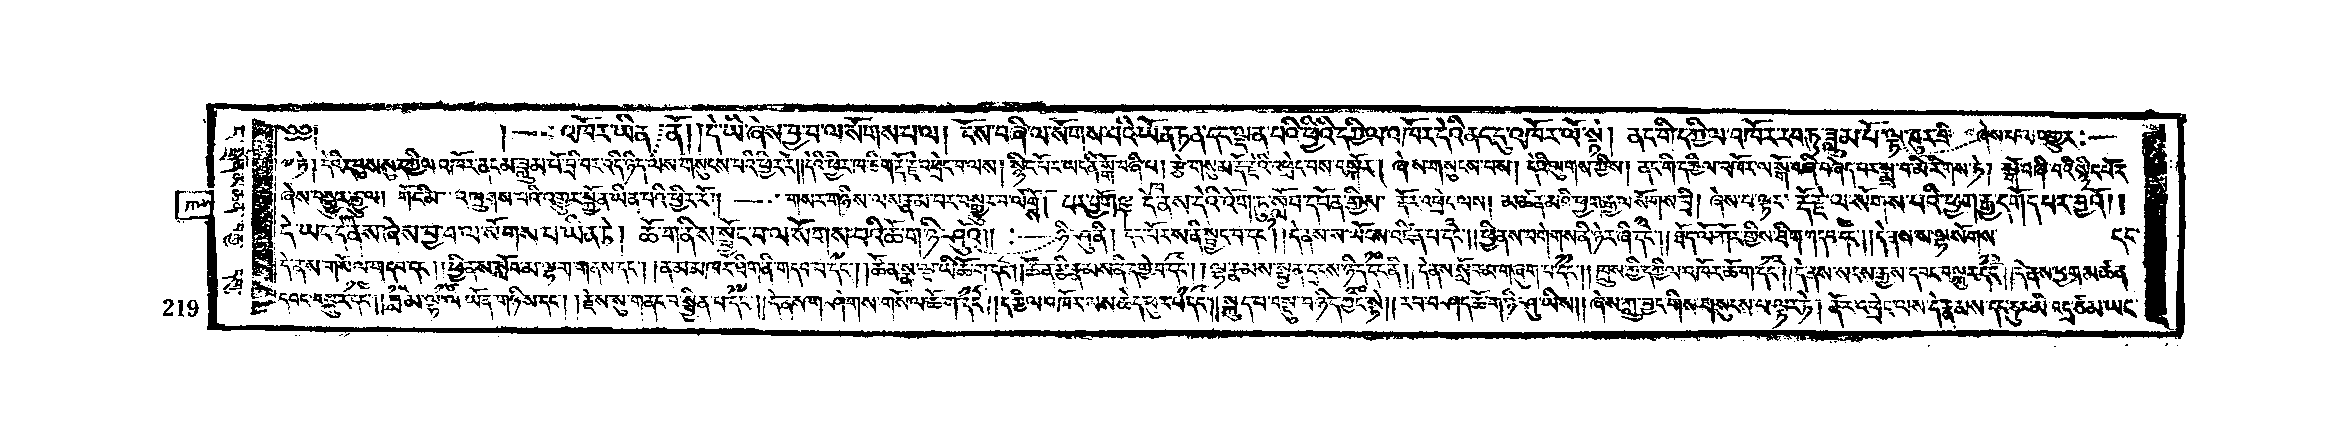༄༅། །.H འཁོར་ཡིན་ནོ། །དེ་ཡི་ཞེས་བྱ་བ་ལ་སོགས་པ་ལ། ངོས་བཞི་ལ་སོགས་པའི་ཡོན་ཏན་དང་ལྡན་པའི་ཕྱིའི་དཀྱིལ་འཁོར་དེའི་ནང་དུ་འཁོར་ལོ་སྟེ། ནང་གི་དཀྱིལ་འཁོར་རབ་ཏུ་ཟླུམ་པོ་ལྟ་བུར་བྲི་༧ཞེས་པ་ལ་འགྱུར་H.
༧ཏེ། དེའི་དབུས་སུ་དཀྱིལ་འཁོར་ནང་མ་ཟླུམ་པོ་བྲི་བར་འདི་ཉིད་ལས་གསུངས་པའི་ཕྱིར་རོ། །དེའི་ཕྱིར་ཁ་ཅིག་རྡོ་རྗེ་འཕྲེང་བ་ལས། སྙིང་པོར་ཡང་ནི་སྒོ་བཞི་པ། རྩེ་གསུམ་རྡོ་རྗེའི་འཕྲེང་བས་བསྐོར། ཞེས་གསུངས་པས། དེའི་ལུགས་ཀྱིས། ནང་གི་དཀྱིལ་འཁོར་ལ་སྒོ་བཞི་བཞེད་པར་སྨྲ་བ་མི་རིགས་ཏེ། སྒོ་བཞི་པའི་སྙིང་པོར་
ཞེས་བསྒྱུར་རྒྱུ་ལ། གོ་རིམ་འཁྲུགས་པའི་འགྱུར་སྐྱོན་ཡིན་པའི་ཕྱིར་རོ།། .H གསར་གཉིས་ལས་རྣམ་པར་བསྒྱུར་བ་ལེགས་སོ། པར་བྱའོ།། ༈ ཁ་དེ་ནས་དེའི་འོག་ཏུ་སློབ་དཔོན་གྱིས་རྡོར་འཕྲེང་ལས། མཚན་མའི་ཕྱག་རྒྱ་ལ་སོགས་བྲི། ཞེས་པ་ལྟར་རྡོ་རྗེ་ལ་སོགས་པའི་ཕྱག་རྒྱ་དགོད་པར་བྱའོ། །
དེ་ཡང་ག྄་དེ་ནས་ཞེས་བྱ་བ་ལ་སོགས་པ་ཡིན་ཏེ། ཆོ་ག་ནི་ས་སྦྱོང་བ་ལ་སོགས་པའི་ཆོ་ག་ཉི་ཤུའོ།། H.་ཉི་ཤུ་ནི། དང་པོར་ས་ནི་སྦྱང་བ་དང ༡། །དེ་ནས་ས་ཡོངས་འཛིན་པ་དང ༢། །ཕྱི་ནས་བགེགས་ནི་ཉེར་ཞི་དང ༣། །ཐོད་ལོ་ཀོར་གྱིས་ཐིག་གདབ་དང ༤། །དེ་ནས་ས་ལྷ་སོགས་ལྷག་པར། །གནས་དང ༥
དེ་ནས་གསོལ་གདབ་དང་། །ཕྱི་ནས་སློབ་མ་ལྷག་གནས་དང ༦། །ནམ་མཁར་ཐིག་ནི་གདབ་པ་དང ༧། །ཚོན་སྣ་ལྔ་ཡི་ཆོ་ག་དང ༨། །ཚོན་རྩི་རྣམས་ནི་དགྱེ་བ་དང ༩། །ལྷ་རྣམས་སྤྱན་དྲངས་ཉིད་དང་ནི ༡༠། །དེ་ནས་སློབ་མ་གཞུག་པ་དང ༡༡། །ཁྲུས་ཀྱི་དཀྱིལ་འཁོར་ཆོ་ག་དང ༡༢། །དེ་ནས་སངས་རྒྱས་དབང་བསྐུར་དང ༡༣། །དེ་ནས་ཕྱག་མཚན་
དབང་བསྐུར་དང ༡༤། །༡༥་བླ་མ་ལྷ ༡༦་ལ་ཡོན་གཉིས་དང་། །རྗེས་སུ་གནང་བ་སྦྱིན་པ་དང ༡༧། །དེ་ནས་གཤེགས་གསོལ་ཆོ་ག་དང?་༡༨། །དཀྱིལ་འཁོར་ལས་ཆེད་ཕུར་བ་དང ༡༩། །སྐུད་པ་བསྡུ་བ་ཉིད་ཀྱང་སྟེ ༢༠། །རབ་བཤད་ཆོ་ག་ཉི་ཤུ་ཡིས། །ཞེས་ཀླུ་བྱང་གིས་གསུངས་པ་ལྟར་ཏེ། རྡོར་འཕྲེང་ལས་དེ་རྣམས་དང་ཅུང་མི་འདྲ་ཙམ་ཡང་